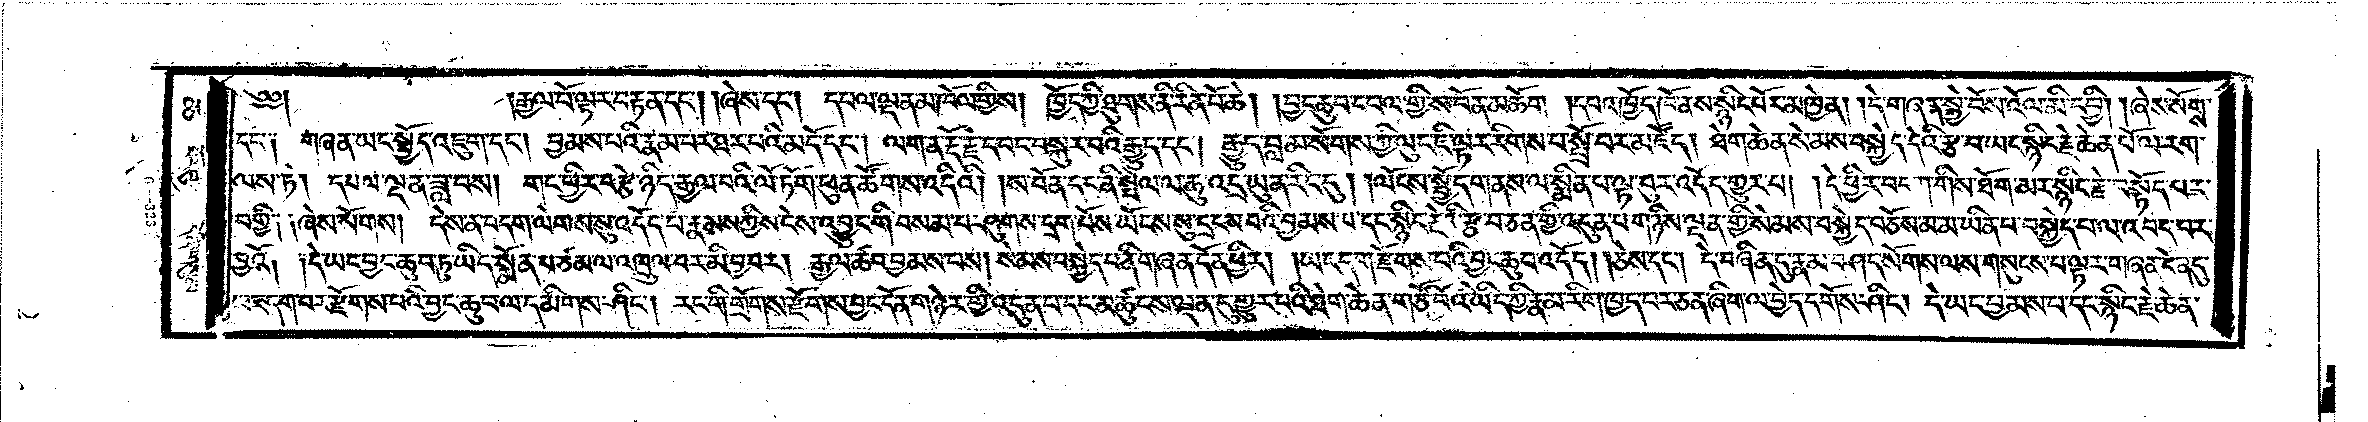༄༅། །རྒྱལ་པོ་ལྟར་བརྟན་དང་། །ཞེས་དང་། དཔལ་ལྡན་མཁོལ་གྱིས། ཁྱོད་ཀྱི་ཐུགས་ནི་རིན་པོ་ཆེ། །བྱང་ཆུབ་དཔལ་གྱི་ས་བོན་མཆོག །དཔའ་ཁྱོད་ཁོ་ནས་སྙིང་པོར་མཁྱེན། །དེ་གཞན་སྐྱེ་བོས་འོལ་མི་དབྱི། །ཞེས་སོགས་
དང༑ གཞན་ཡང་སྤྱོད་འཇུག་དང་། བྱམས་པའི་རྣམ་པར་ཐར་པའི་མདོ་དང་། ལག་ན་རྡོ་རྗེ་དབང་བསྐུར་བའི་རྒྱུད་དང་། རྒྱུད་བླ་མ་སོགས་ཀྱི་ལུང་ཇི་ལྟར་རིགས་པ་སྤྲོ་བར་མཛོད། ཐེག་ཆེན་སེམས་བསྐྱེད་དེའི་རྩ་བ་ཡང་སྙིང་རྗེ་ཆེན་པོ་ལ་རག་
ལས་ཏེ། དཔལ་ལྡན་ཟླ་བས། གང་ཕྱིར་བརྩེ་ཉིད་རྒྱལ་བའི་ལོ་ཏོག་ཕུན་ཚོགས་འདིའི། །ས་བོན་དང་ནི་སྤེལ་ལ་ཆུ་འདྲ་ཡུན་རིང་དུ། །ལོངས་སྤྱོད་གནས་ལ་སྨིན་པ་ལྟ་བུར་འདོད་གྱུར་པ། །དེ་ཕྱིར་བདག་གིས་ཐོག་མར་སྙིང་རྗེ་བསྟོད་པར་
བགྱི༑ ༑ཞེས་སོགས། དེས་ན་བདག་ལེགས་སུ་འདོད་པ་རྣམས་ཀྱིས་ངེས་འབྱུང་གི་བསམ་པ་ཤུགས་དྲག་པོས་ཡོངས་སུ་དྲངས་པའི་བྱམས་པ་དང་སྙིང་རྗེའི་རྩ་བ་ཅན་གྱི་འདུན་པ་གཉིས་ལྡན་གྱི་སེམས་བསྐྱེད་བཅོས་མ་མ་ཡིན་པ་བསྐྱེད་པ་ལ་འབད་པར་
བྱའོ༑ ༑དེ་ཡང་བྱང་ཆུབ་ཏུ་ཡིད་སྨོན་པ་ཙམ་ལ་འཁྲུལ་བར་མི་བྱ་བར། རྒྱལ་ཚབ་བྱམས་པས། །སེམས་བསྐྱེད་པ་ནི་གཞན་དོན་ཕྱིར། །ཡང་དག་རྫོགས་པའི་བྱང་ཆུབ་འདོད། །ཅེས་དང་། དེ་བཞིན་དུ་རྣམ་བཤད་སོགས་ལས་གསུངས་པ་ལྟར་གཞན་དོན་དུ་
ཡང་དག་པར་རྫོགས་པའི་བྱང་ཆུབ་ལ་དམིགས་ཤིང་། རང་གི་གྲོགས་རྫོགས་བྱང་དོན་གཉེར་གྱི་འདུན་པ་དང་མཚུངས་ལྡན་དུ་གྱུར་པའི་ཐེག་ཆེན་གཙོ་བོའི་ཡིད་ཀྱི་རྣམ་རིག་ཁྱད་པར་ཅན་ཞིག་ལ་བྱེད་དགོས་ཤིང་། དེ་ཡང་བྱམས་པ་དང་སྙིང་རྗེ་ཆེན་